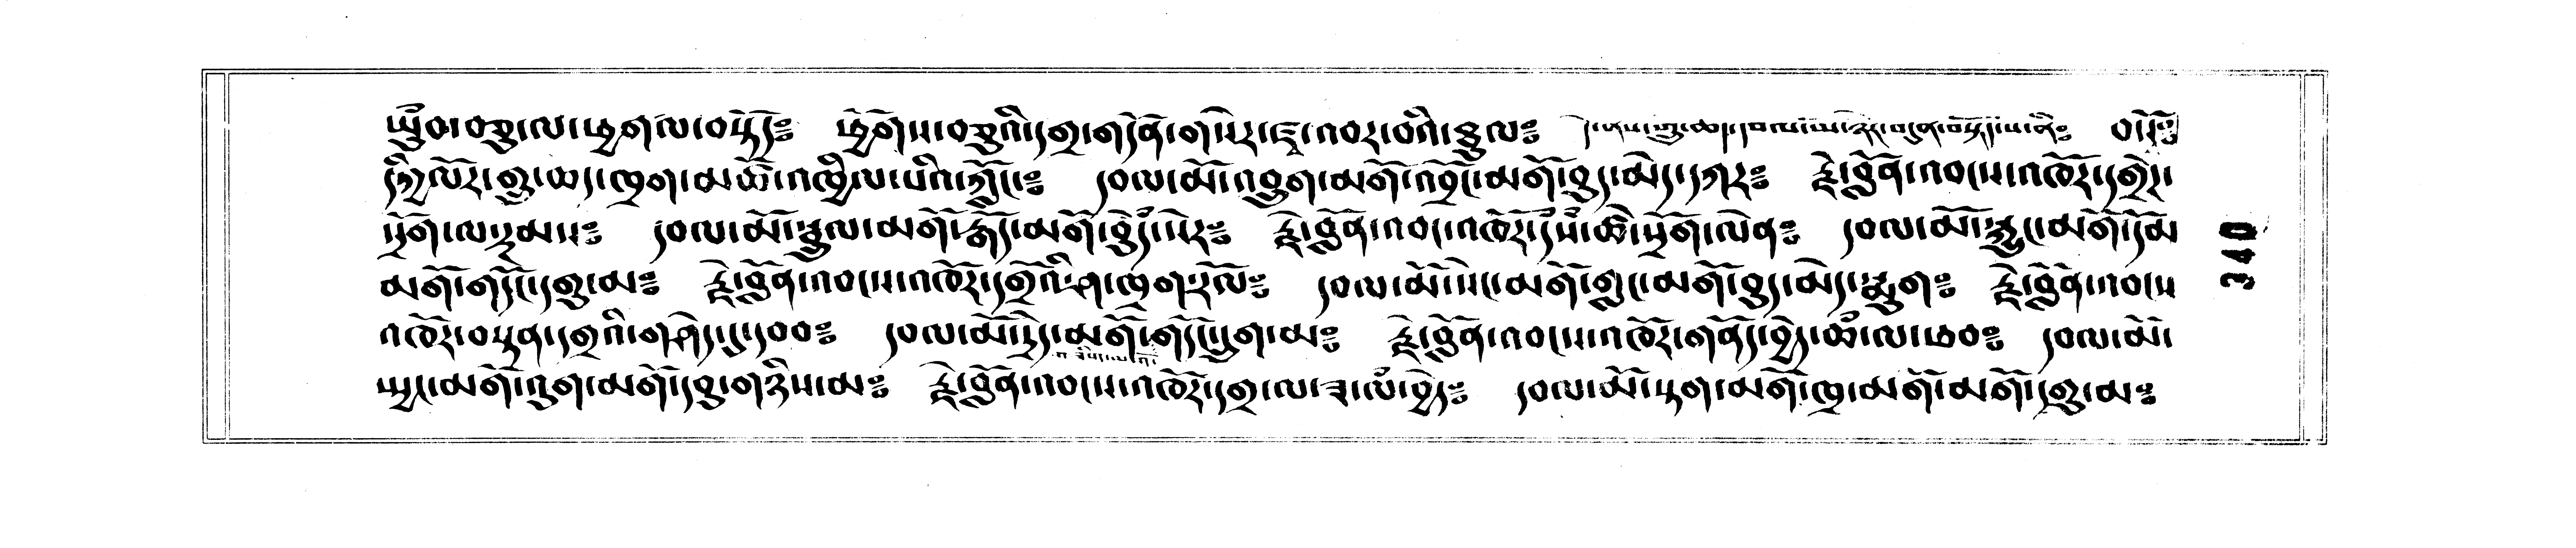ཡབ་ཡུམ་བཅུ་ལ་ཕྱག་འཚལ་བསྟོད༔ ཕྱོགས་བཅུའི་དགྲ་གདོན་གསེར་ཛྭ་འབར་བའི་ཐུལ༔ དེ་ནས་གྲུ་ཆད་དབལ་མོ་ཉེར་བདུན་བསྟོད་པ་ནི༔ བསྭོ༔ 
དཀྱིལ་འཁོར་གྲུ་ཆད་ཁྲག་མཚོ་འཁྱིལ་པའི་ཀློང་༔ དབལ་མོ་འབྲུག་མགོ་འབྲོང་མགོ་བུད་མེད་དཀར༔ རྗེ་བློན་འབངས་འཁོར་དགྲ་བགེགས་
སྲོག་ལ་རྔམས༔ དབལ་མོ་སྦྲུལ་མགོ་རྒོད་མགོ་བུད་མེད་སེར༔ རྗེ་བློན་འབངས་འཁོར་དམ་ཉམས་ཚེ་སྲོག་ལེན༔ དབལ་མོ་སྐྱུང་མགོ་དོམ་
མགོ་གདོང་དགུ་མ༔ རྗེ་བློན་འབངས་འཁོར་དགྲ་བོའི་ཤ་ཁྲག་རོལ༔ དབལ་མོ་སེང་མགོ་གླང་མགོ་བུད་མེད་སྨུག༔ རྗེ་བློན་འབངས་
འཁོར་བསྟན་དགྲའི་གཤེད་དུ་དབབ༔ དབལ་མོ་དྲེད་མགོ་གཟིག་མགོ་གདོང་དྲུག་མ༔ རྗེ་བློན་འབངས་འཁོར་གནོད་བྱེད་ཆམ་ལ་ཕབ༔ དབལ་མོ་
སྤྱང་མགོ་འུག་མགོ་དབུ་གཉིས་མ༔ རྗེ་བློན་འབངས་འཁོར་དགྲ་ལ་ཟ་ལམ་བྱེད༔ དབལ་མོ་སྟག་མགོ་ཁྲ་མགོ་མགོ་དགུ་མ༔